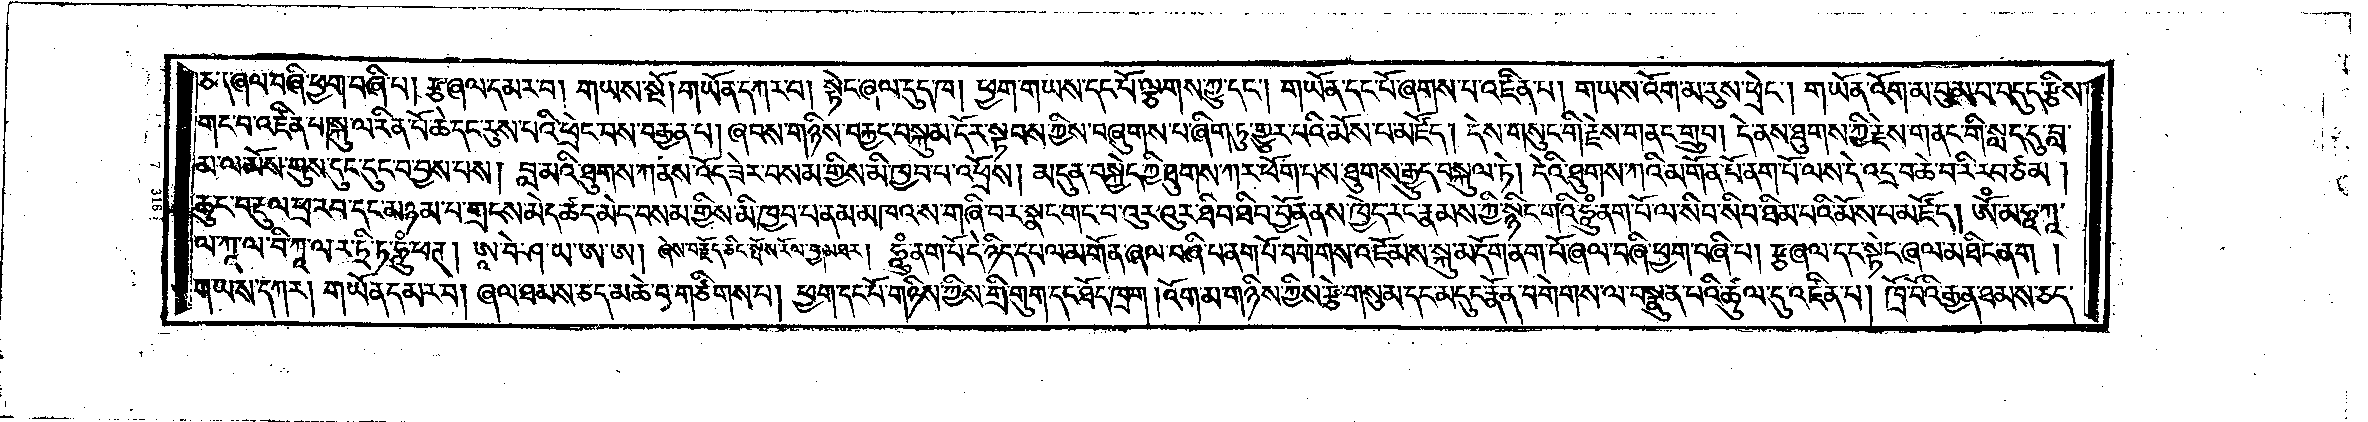ཅན་ཞལ་བཞི་ཕྱག་བཞི་པ། རྩ་ཞལ་དམར་པ། གཡས་སྔོ། གཡོན་དཀར་བ། སྟེང་ཞལ་དུད་ཁ། ཕྱག་གཡས་དང་པོ་ལྕགས་ཀྱུ་དང་། གཡོན་དང་པོ་ཞགས་པ་འཛིན་པ། གཡས་འོག་མ་རུས་ཕྲེང་། གཡོན་འོག་མ་བུམ་པ་བདུད་རྩིས་
གང་བ་འཛིན་པ་སྐུ་ལ་རིན་པོ་ཆེ་དང་རུས་པའི་ཕྲེང་བས་བརྒྱན་པ། ཞབས་གཉིས་བརྐྱང་བསྐུམ་དོར་སྟབས་ཀྱིས་བཞུགས་པ་ཞིག་ཏུ་གྱུར་པའི་མོས་པ་མཛོད། དེས་གསུང་གི་རྗེས་གནང་གྲུབ། དེ་ནས་ཐུགས་ཀྱི་རྗེས་གནང་གི་སླད་དུ་བྲ་
མ་ལ་མོས་གུས་དུང་དུང་བ་བྱས་པས། བླ་མའི་ཐུགས་ཀ་ནས་འོད་ཟེར་བསམ་གྱིས་མི་ཁྱབ་པ་འཕྲོས། མདུན་བསྐྱེད་ཀྱི་ཐུགས་ཀར་ཕོག་པས་ཐུགས་རྒྱུད་བསྐུལ་ཏེ། དེའི་ཐུགས་ཀའི་མགོན་པོ་ནག་པོ་ལས་དེ་འདྲ་བ་ཆེ་བ་རི་རབ་ཙམ།
ཆུང་བརྡུལ་ཕྲ་རབ་དང་མཉམ་པ་གྲངས་མེད་ཚད་མེད་བསམ་གྱིས་མི་ཁྱབ་པ་ནམ་མཁའ་ས་གཞི་བར་སྣང་གང་བ་འུར་འུར་ཐིབ་ཐིབ་བྱོན་ནས་ཁྱེད་རང་རྣམས་ཀྱི་སྙིང་གའི་ཧཱུཾ་ནག་པོ་ལ་སིབ་སིབ་ཐིམ་པའི་མོས་པ་མཛོད། ཨོཾ་མཧཱ་ཀཱ་
ལ་ཀཱ་ལ་པི་ཀཱ་ལ་ར་ཏྲི་ཏ་ཧཱུཾ་ཕཊ། ཨཱ་བེ་ཤ་ཡ་ཨ་ཨ། ཞེས་བརྗོད་ཅིང་སྦོས་རོལ་བྱ་མཐར། ཧཱུཾ་ནག་པོ་དེ་ཉིད་དཔལ་མགོན་ཞལ་བཞི་པ་ནག་པོ་བགེགས་འཇོམས་སྐུ་མདོག་ནག་པོ་ཞལ་བཞི་ཕྱག་བཞི་པ། རྩ་ཞལ་དང་སྟེང་ཞལ་མཐིང་ནག །
གཡས་དཀར། གཡོན་དམར་བ། ཞལ་ཐམས་ཅད་མཆེ་བ་གཙིགས་པ། ཕྱག་དང་པོ་གཉིས་ཀྱིས་གྲི་གུག་དང་ཐོད་ཁྲག །འོག་མ་གཉིས་ཀྱིས་རྩེ་གསུམ་དང་མདུང་རྣོན་བགེགས་ལ་བསྣུན་པའི་ཚུལ་དུ་འཛིན་པ། ཁྲོ་བོའི་རྒྱན་ཐམས་ཅད་